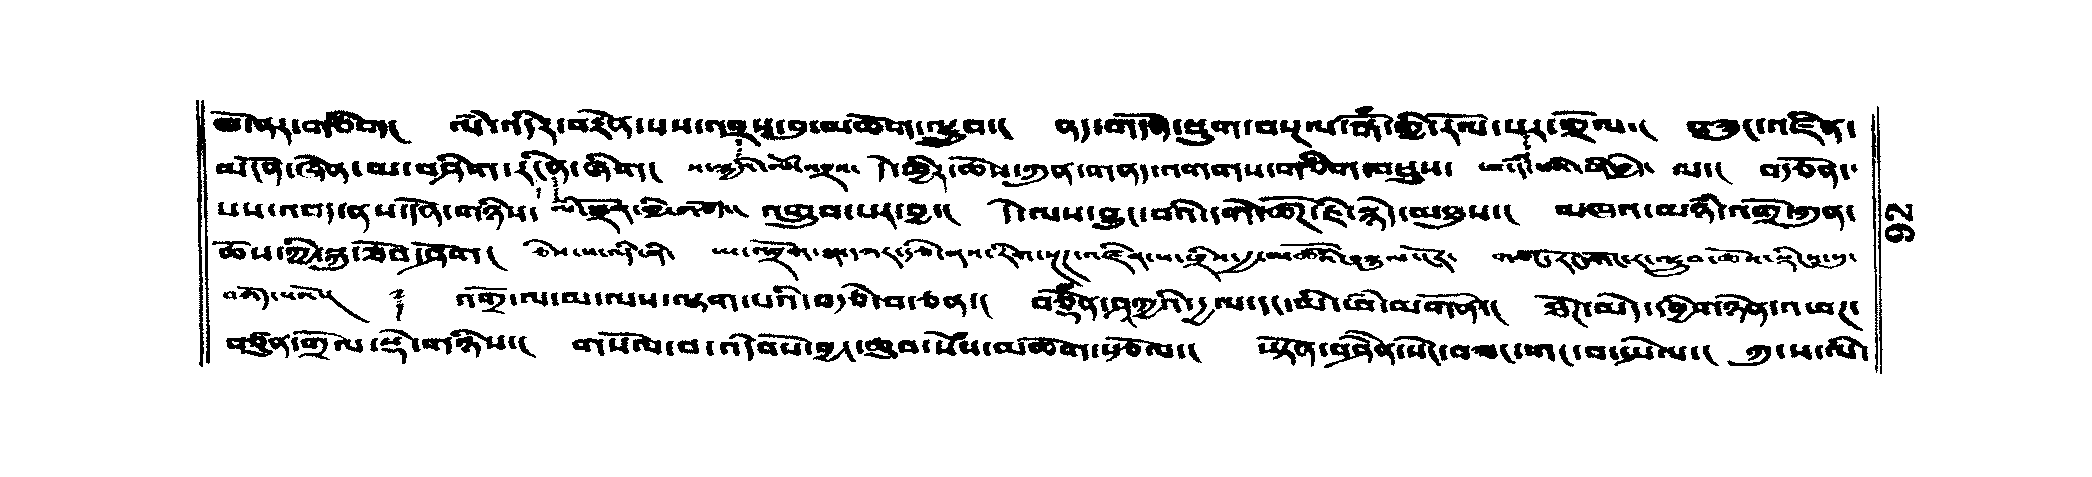ཁོ་ནར་གཅིག །ལམ་འདིར་བརྟེན་པས་འབྲས་{ ས་སྐྱའི་ལམ་འབྲས། }བུ་མཆོག་ལྷུན་གྲུབ། ནད་གདོན་སྡུག་བསྔལ་སྒོམ་གྱི་རོལ་པར{ ཕ་དམ་པའི་ཞི་བྱེད།}གྲོལ། །གཟུང་འཛིན་
མངོན་ཞེན་མ་བཤིག་རང་བཞིན་{ ལམ་སྒྲོན་གྱི་གཅོད། }ཞིག །དེ་ཕྱིར་ཆོས་ཀུན་གནད་འགག་གཅིག་བསྡུས་ལ། །བརྩོན་
པས་འབད་ནས་དོན་གཉིས་འགྲུབ་པར་བྱ། །དེ་ལས་བྱུང་བའི་དགེ་ཚོགས་ཇི་སྙེད་མཐུས། །མཁའ་མཉམ་འགྲོ་ཀུན་
ཆོས་ཀྱི་སྐུ་ཐོབ་ཤོག ཅེས་པ་འདི་ནི་ཡར་འབྲོག་སྣ་དཀར་རྩེ་ནས་རིག་སྔགས་འཛིན་པ་ཕྲིན་ལས་རྒྱ་མཚོས་བསྐུལ་ངོར། གཙང་རོང་གོང་ར་ལྷུན་གྲུབ་ཆོས་སྡིངས་སུ་
བཀོད་པའོ།། ༈ འགྲོ་ལ་མ་ལས་ལྷག་པའི་བརྩེ་བ་ཅན། །བཅོམ་ལྡན་ཤཱཀྱའི་རྒྱལ་དང་མི་ཕམ་མགོན། །ཐོགས་མེད་དབྱིག་གཉེན་འཕགས་
བཙུན་གྲོལ་སྡེ་གཉིས། །གསོལ་བ་འདེབས་སོ་བྱང་ཆུབ་སེམས་མཆོག་སྩོལ། །ཡོན་ཏན་བཤེས་གཉེན་སེང་བཟང་གང་བ་སྤེལ། །ཀུ་ས་ལི་